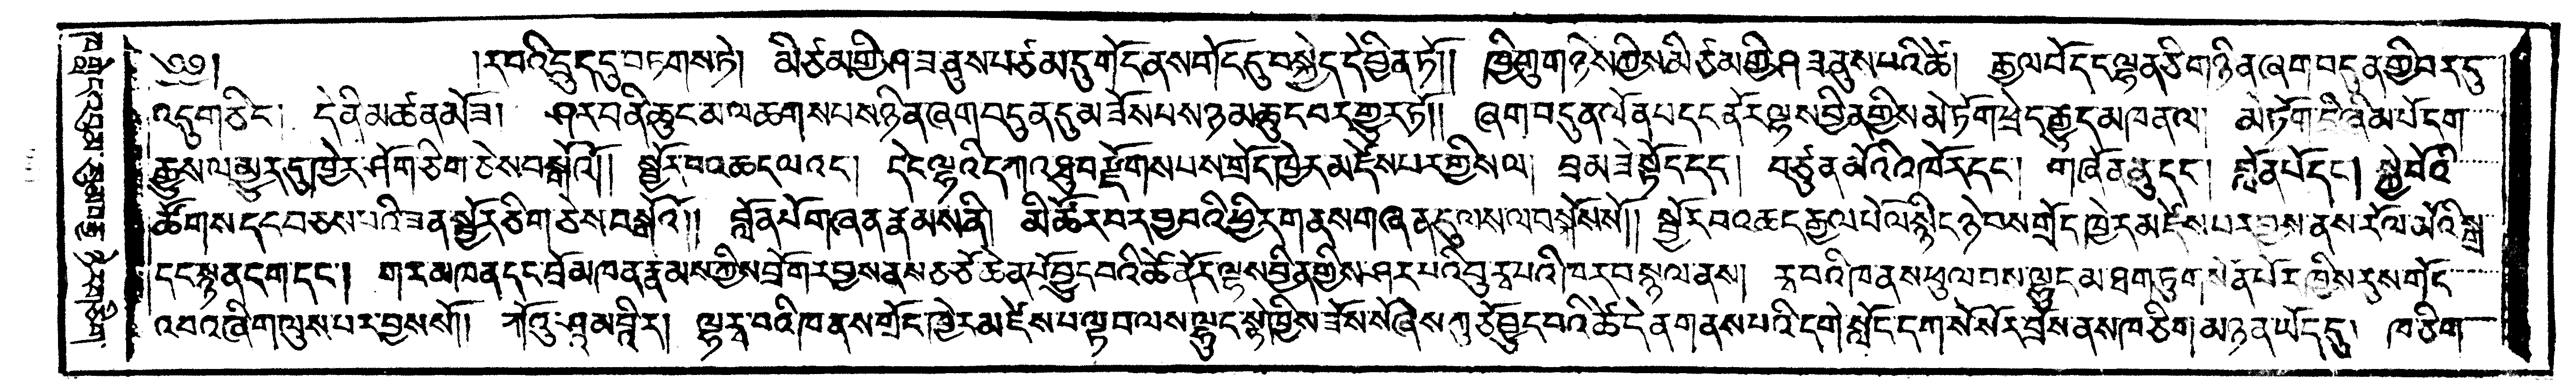༄༅། །ར་བའི་དྲུད་དུ་བཏགས་ཏེ། མི་ཙམ་གྱི་ཤ་ཟ་ནུས་པ་ཙམ་དུ་གོང་ནས་གོང་དུ་བསྐྱེད་དེ་བྱིན་ཏོ། །ཁྱི་གུ་གཉིས་ཀྱིས་མི་ཙམ་གྱི་ཤ་ཟ་ནུས་པའི་ཚེ། རྒྱལ་བོ་དང་ལྷན་ཅིག་ཉིན་ཞག་བདུན་གྱི་བར་དུ་
འདུག་ཅིང་། དེ་ནི་མཚན་མོ་ཟ། ཤར་བ་ནི་ཆུང་མ་ལ་ཆགས་པས་ཉིན་ཞག་བདུན་དུ་མ་ཟོས་པས་ཉམ་ཆུང་བར་གྱུར་ཏོ། །ཞག་བདུན་ལོན་པ་དང་ནོར་ལྷས་བྱིན་གྱིས་མེ་ཏོག་ཕྲེང་རྒྱུད་མཁན་ལ། མེ་ཏོག་དྲི་ཞིམ་པོ་དག་
རྒྱུས་ལ་མྱུར་དུ་ཁྱེར་ཤོག་ཅིག་ཅེས་བསྒོའོ། །སྦྱོར་བ་འཆད་ལའང་། དེང་ལྷའི་དཀའ་ཐུབ་རྫོགས་པས་གྲོང་ཁྱེར་མཛེས་པར་གྱིས་ལ། བྲམ་ཟེ་སྟོང་དང་། བཙུན་མོའི་འཁོར་དང་། གཞོན་ནུ་དང་། བློན་པོ་དང་། སྐྱེ་བོའི་
ཚོགས་དང་བཅས་པའི་ཟན་སྦྱོར་ཅིག་ཅེས་བསྒོའོ།། བློན་པོ་གཞན་རྣམས་ནི། མི་ཚོར་བར་བྱ་བའི་ཕྱིར་གནས་གཞན་དུ་ལས་ལ་བསྐོས་སོ། །སྦྱོར་བ་འཆང་རྒྱལ་པོ་ལ་སྙིང་ཉེ་བས་གྲོང་ཁྱེར་མཛེས་པར་བྱས་ནས་རོལ་མོའི་སྒྲ་
དང་སྙན་ངག་དང་། གར་མཁན་དང་བྲོ་མཁན་རྣམས་ཀྱིས་བྲོ་གར་བྱས་ནས་ཅ་ཅོ་ཆེན་པོ་བྱུང་བའི་ཆོ་ནོར་ལྷས་བྱིན་གྱིས་ཤར་པའི་བུ་རྭ་པའི་ཁར་བསྙལ་ནས། རྭ་བའི་ཁ་ནས་ཕུལ་བས་ལྷུང་མ་ཐག་ཏུ་གསོན་པོར་ཁྱིས་རུས་གོང་
འབའ་ཞིག་ལུས་པར་བྱས་སོ། ཀོའུ་ཤཱ་མ་བཱི་ར། ལྷ་རྭ་བའི་ཁ་ནས་གྲོང་ཁྱེར་མཛེས་པ་ལྟ་བ་ལས་ལྷུང་སྟེ་ཁྱིས་ཟོས་སོ་ཞིས་ཀུ་ཅོ་བྱུང་བའི་ཚེ་དེ་ན་གནས་པའི་དགེ་སློང་དག་སོ་སོར་བྲོས་ནས་ཁ་ཅིག་མཉན་ཡོད་དུ། ཁ་ཅིག་